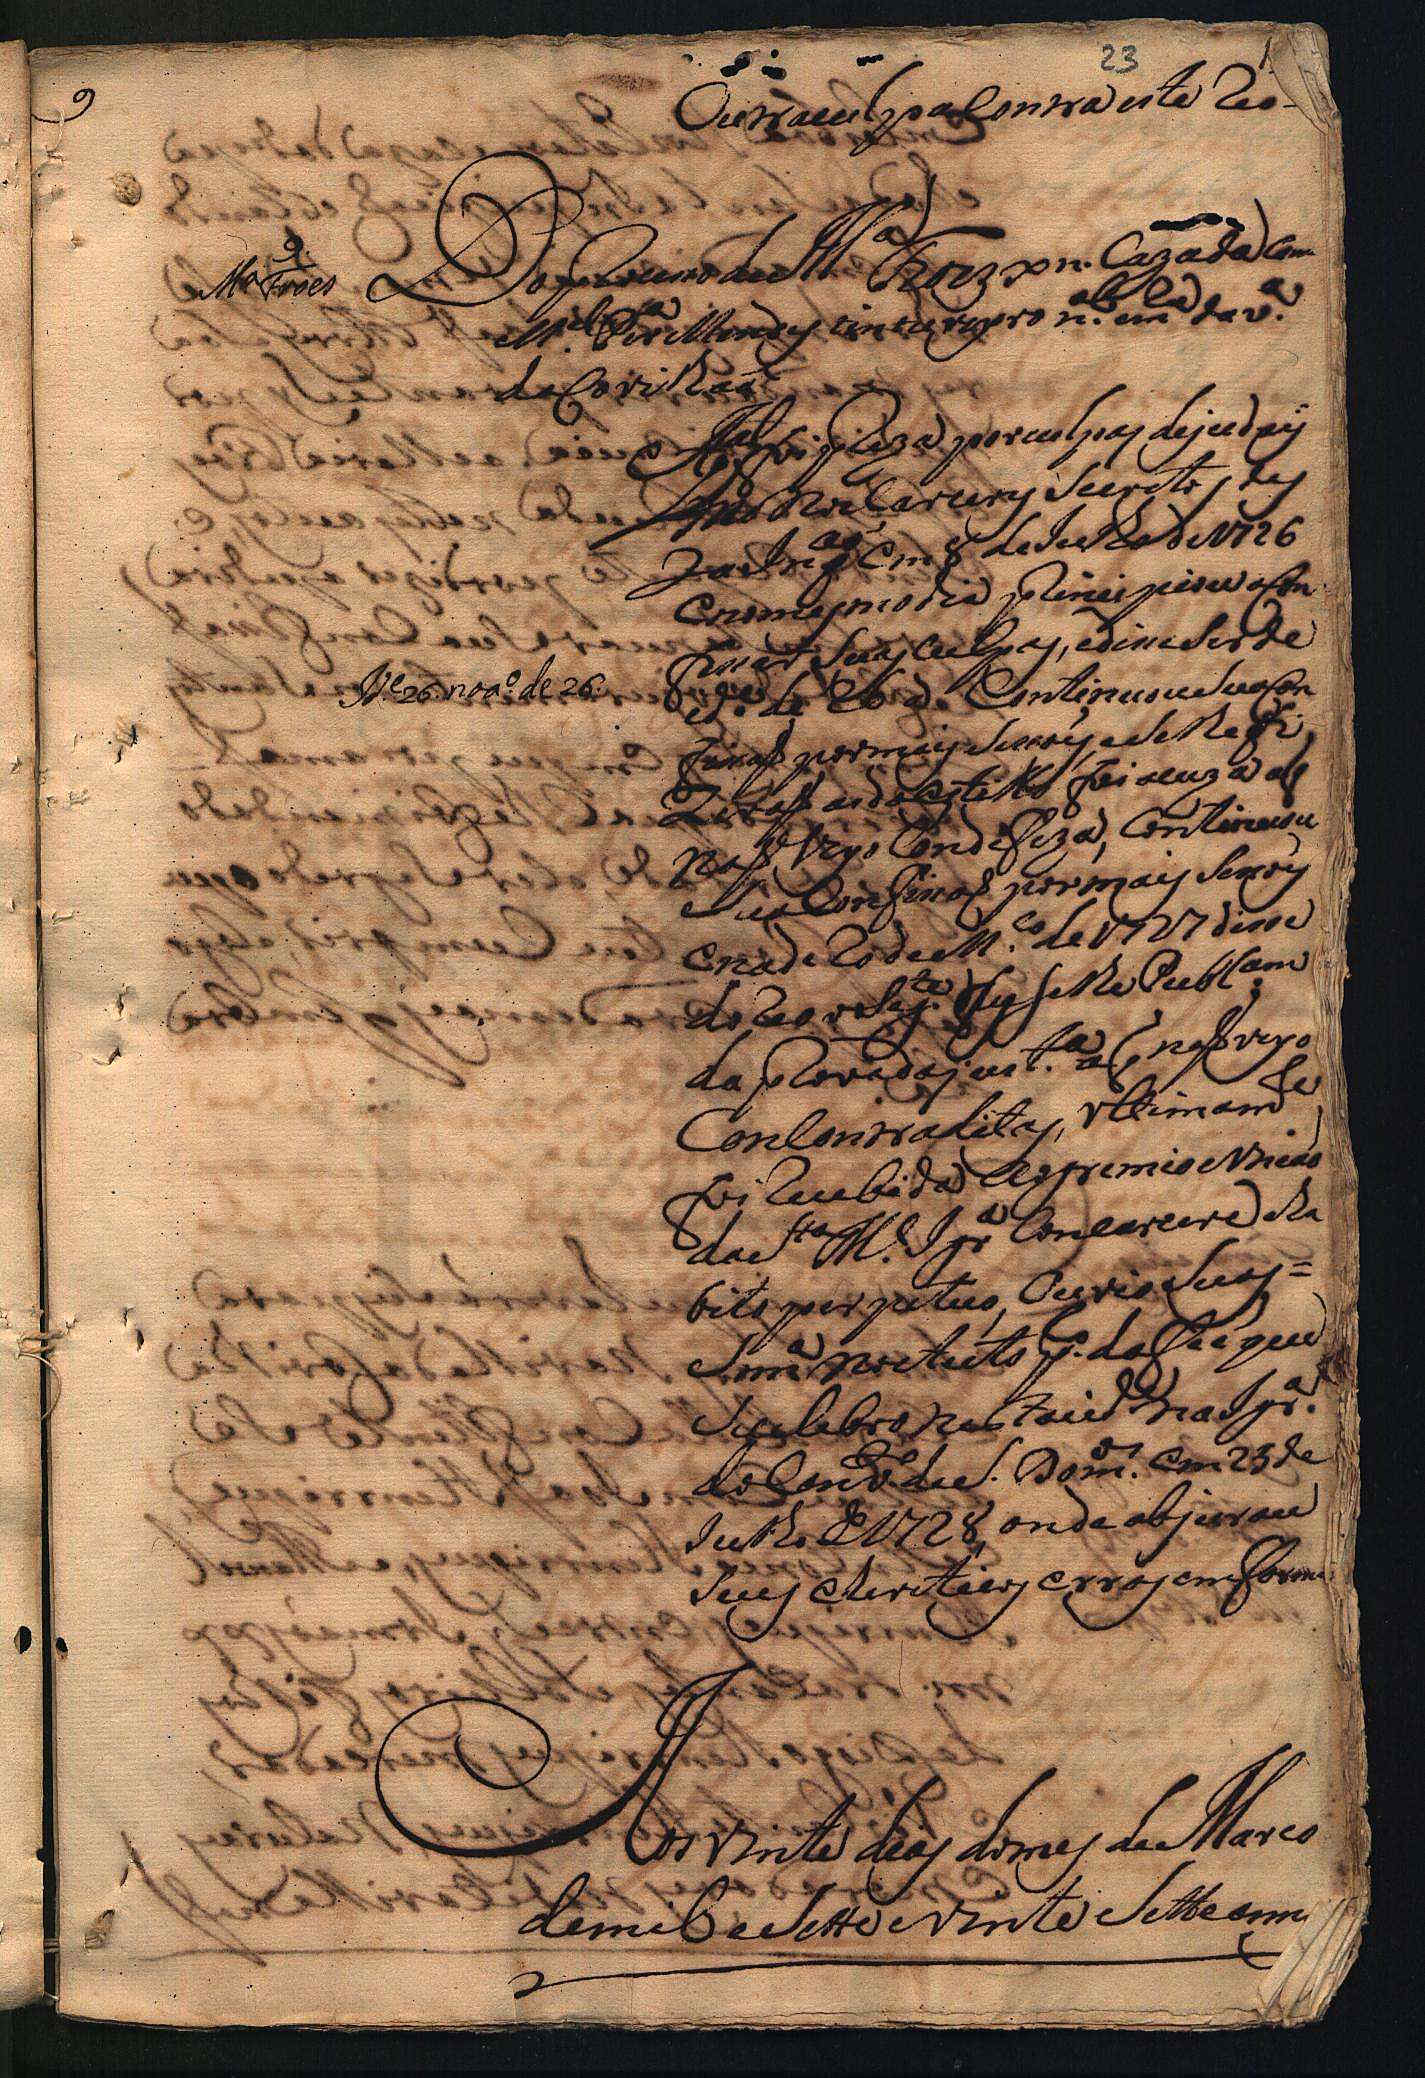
Outra culpa contra este Reo
Do processo de M.a Froez xn. cazada com
M.el Pera Mendes tintureyro nal e mra da v.a
da Covilhaã
A q.al foi pReza por culpas de judais
mo nos carceres secretos des
ta Inqaõ em 8 de Iulho de 1726
e no mesmo dia principiou a Con
fessar suas culpas, e disse ser de
id.e de 26 ā. Continuou sua Con
fissaõ por mais sessoẽs, e se lhe fi
Zeram as do estillo foi acuza a q̄
naõ veyo con defeza, continuou
sua confissaõ por mais sessoẽs
e na de 20 de M.co de 1727 disse
do Reo o seg.te Fez se lhe Publ.am
da prova da just.a a q naõ veyo
Con contraditas, vltimamte
foi Recebida ao gremio e vnião
da Sta M.e Igra con carcere e ha
bito perpetuo, Ouvio suas
snn.a no Auto p.co da feé que
se celebro nesta cide na Igra.
do Conv.to de S. Domos. em 23 de
Iulho d̄ 1728, onde abjurou
seus ehereticos erros em form
Aos vinte dias do mes de Marco
de mil e sette e vinte sette ann
